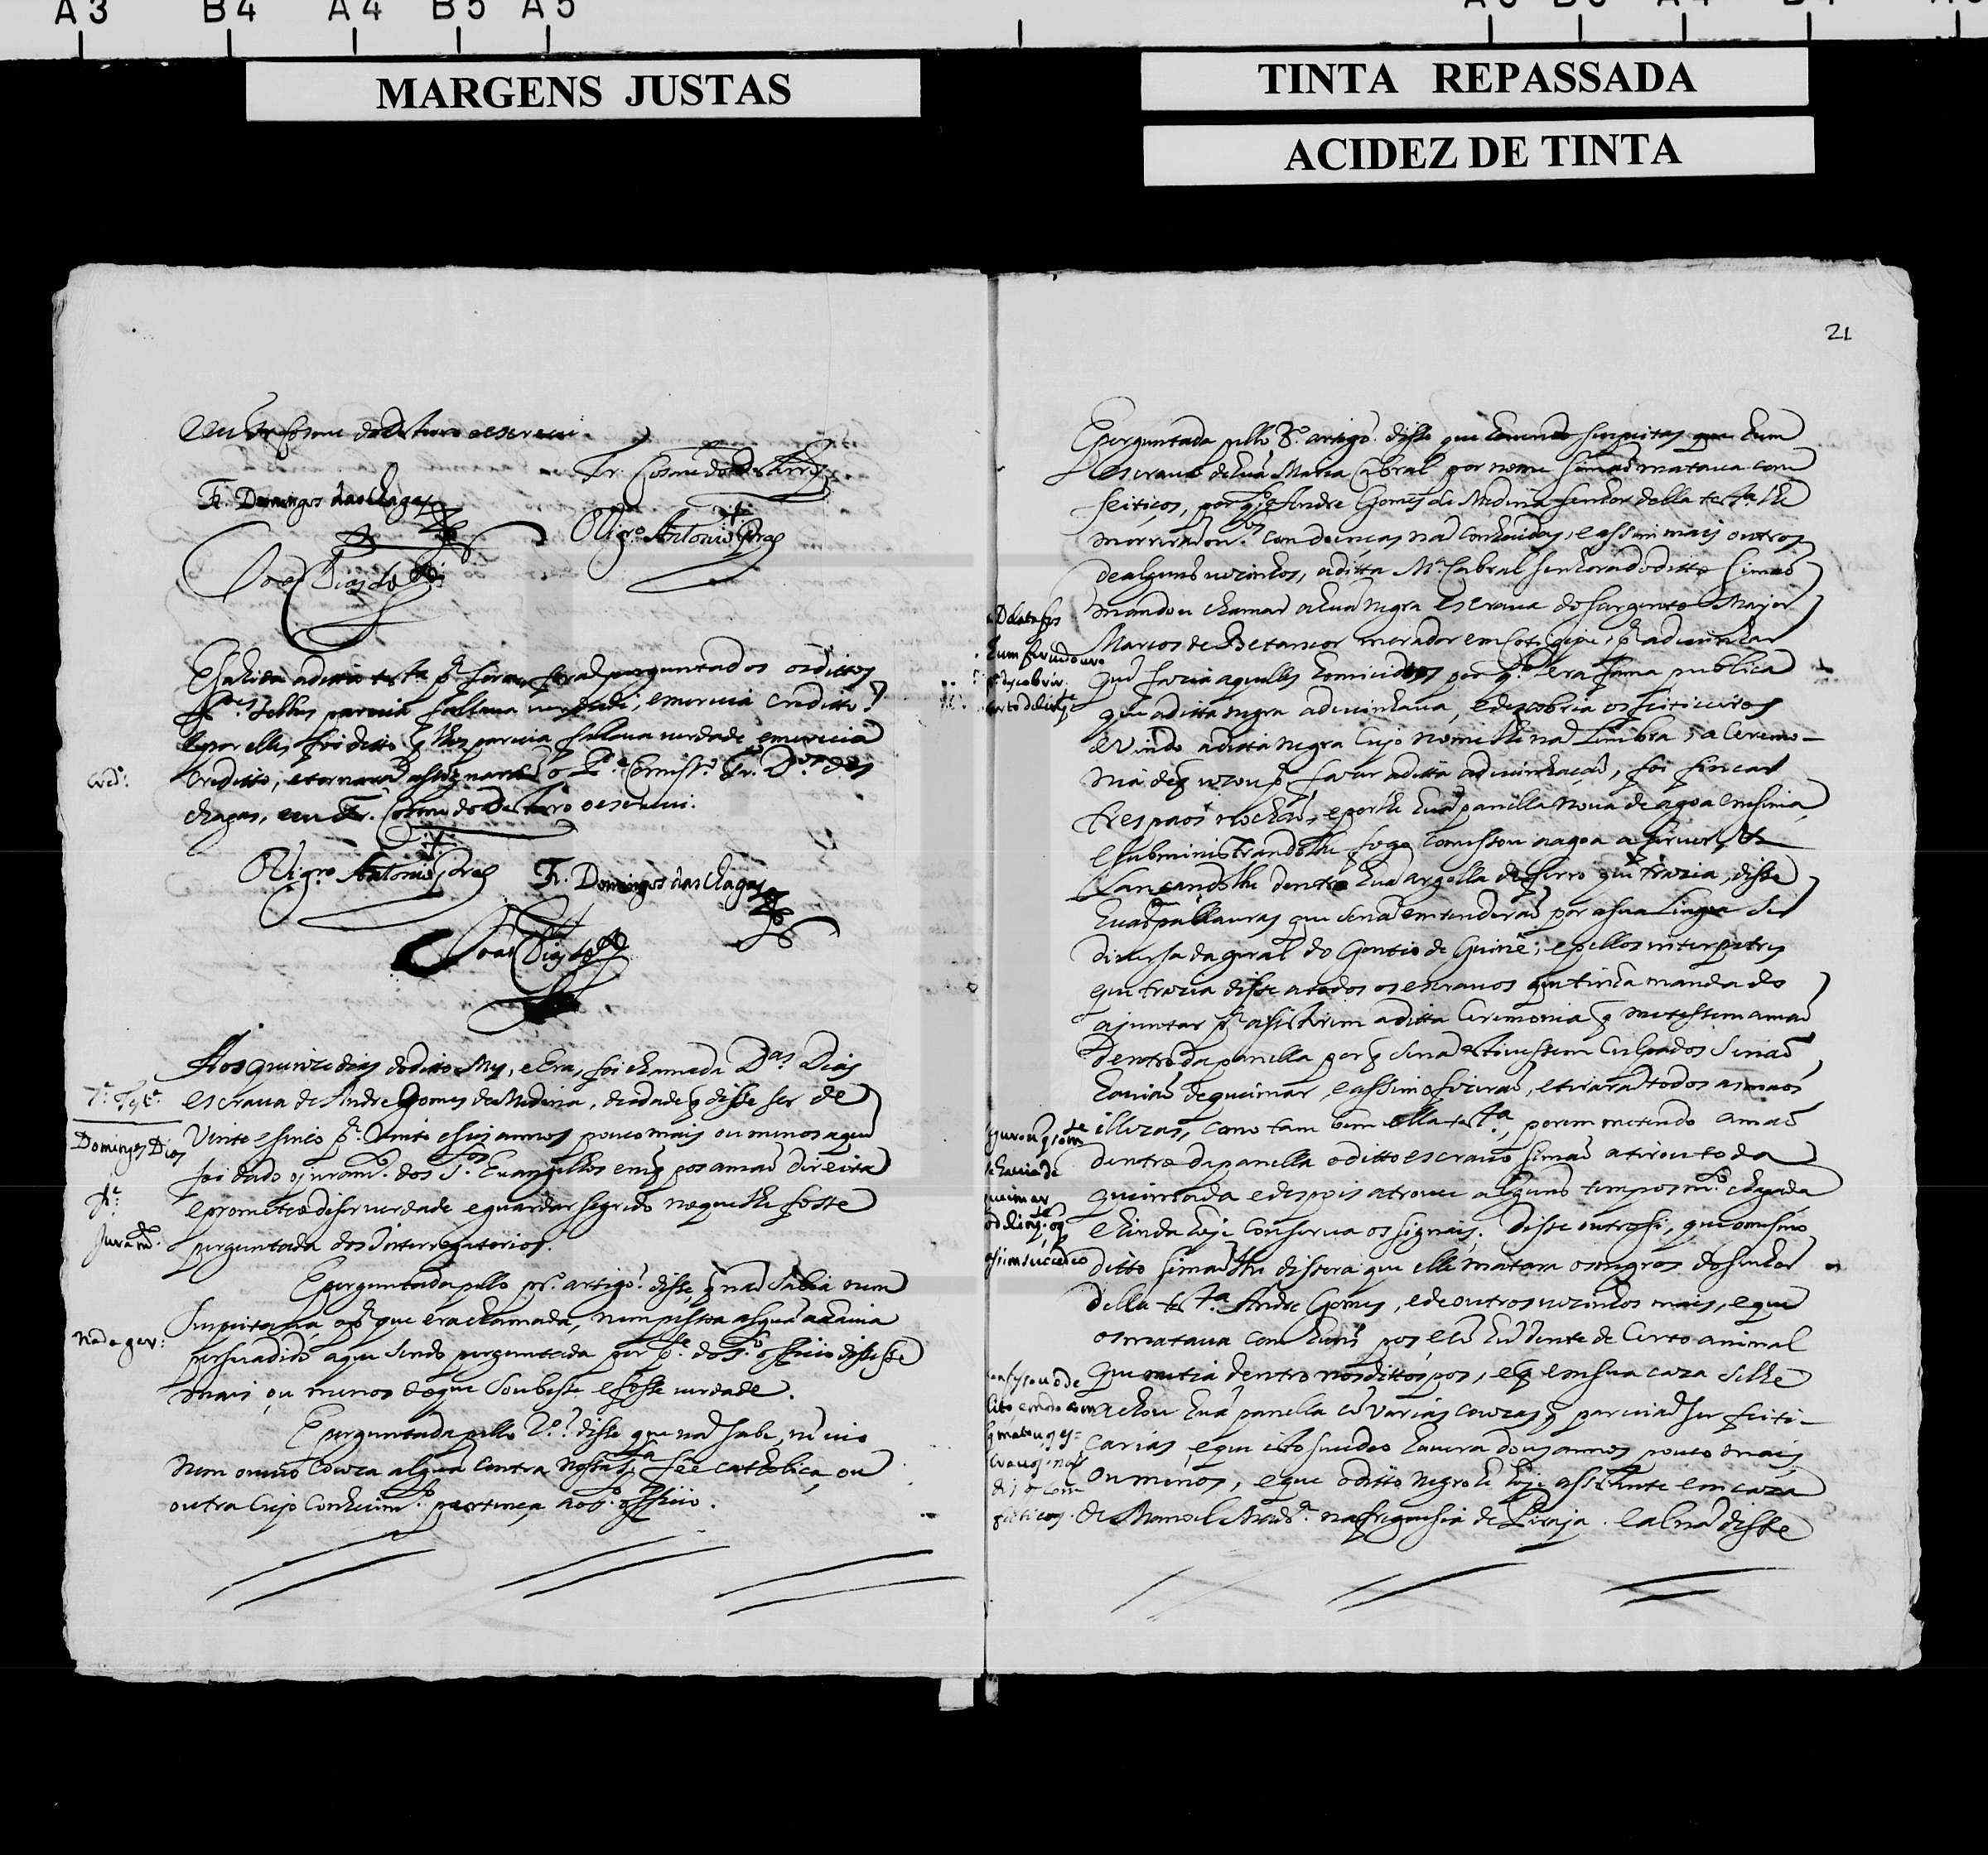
e eu Fr Cosme do Desterro o escreui.
Fr. Cosme do Desterro
Fr. Domigos das chagas
O Vigr.o Antonio Pra
Ioaõ Dias do sto
E sahida a ditta test.a pa fora foraõ perguntados os dittos
Pe.s se lhes parecia fallaua uerdade; e merecia creditto?
e por elles foi ditto q̄ lhes parecia fallaua uerdade e merecia
creditto, e tornarā assignaraõ o P.e Comisr.o Fr. D.os das
credo:
chagas, e eu Fr. Cosme do Desterro o escreui.
O Vigro Antonio Pra
Fr. Domigos das chagas
Joaõ Dias d sto
Aos quinze dias do ditto Mes, e Era, foi chamada Das. Dias
escraua de Andre Gomes de Medina, de idade q̄ disse ser de
7.a Test.a
Vinte e sinco p.a vinte e seis annos pouco mais ou menos a quē
Domingas Dias
foi dado o juramto. dos S.tos Euangelhos em q̄ pos a maõ direita
jde:
e prometeo diser uerdade e guardar segredo no que lhe fosse
Juramto.
perguntada dos Interrogatorios.
E perguntada pello pr.o artigo? disse, q̄ naõ sabia nem
Suspeitaua, o pa que era chamada, nem pessoa alguā a hauia
nada ger:
persuadido a que sendo perguntada por pte. do s.to officio dissesse
mais ou menos do que Soubesse e fosse uerdade.
E perguntada pello 2.o? disse que nā sabe, nē uio
nem ouuio couza alguā contra nossa s.ta fee catholica, ou
outra cujo conhecim.to pertença ao s.to officio.
E perguntada pello 3.o artigo? disse que hauendo suspeitas que hum
escrauo de huā Maria Cabral por nome simaõ mataua com
feitiços, porq.to Andre Gomes de Medina senhor della test.a lhe
morreraõ m.tos com doenças nā conhecidas, e assim mais outros
de alguns uezinhos, a ditta M.a Cabral senhora do ditto simaõ
mandou chamar a huā negra escraua do sargento Mayor
Delata foi
Marcos de Betancor morador em Cotigipe, pa adiuinhar
hum feruedouro
quē fazia aqueles homicidios porq.to era fama publica
p.a descobrir
certo delinqte.
que a ditta negra adeuinhaua, e descobria os feiticeiros
e vindo a ditta negra Cujo nome lhe naõ lembra, a ceremo
nia de q̄ uzou pa. fazer a ditta adeuinhaçaõ, foi fincar
tres paos no chaõ, e porlhe huā panella noua de agoa em sima,
e subministrandolhe fogo comessou a agoa a feruer &a
Lançandolhe dentro huā argolla de ferro que trazia, disse
huas̄ pallauras que se nā emtenderaõ por a sua Lingoa ser
diuersa da geral do Gentio de Guinê, e pellos interpetres
que trazia disse a todos os escrauos que tinha mandado
ajuntar pa asistirem a ditta Ceremonia q̄ metessem a maõ
dentro da panella porq̄ se naõ estiuessem culpados se naõ
hauiaõ de queimar, e assim o fizeraõ, e tiraraõ todos as maos̄
gurou q̄ somte
illezas, como tambem ella test.a, porem metendo a maõ
dentro de panella o ditto escrauo simaõ a tirou toda
se hauia de
queimada e despois a trouce alguns̄ tempos m.to chagada
queimar
o delinq.te o q̄
e hinda hoje conserua os signais. disse outrosi, que o mesmo
assim succedeo
ditto simaõ lhe dissera que elle matara o sogros do senhor
della test.a Andre Gomes, e de outros uizinhos mais, e que
os mataua com huns̄ pos, e cō hū dente de certo animal
que metia dentro nos dittos pos, e q̄ em sua caza se lhe
confessou o de
lito, e indo com
achou huā panella cō varias couzas q̄ pareciaõ ser feiti
q̄ matou, os es
çarias, e que isto sucedeo hauera dous annos pouco mais
crauos e naõ
dis q̄ com
ou menos, e que o ditto negro he hoje assistente em caza
feitiços.
de Manoel Madr.a na freguesia de Piraja. e al nā disse
